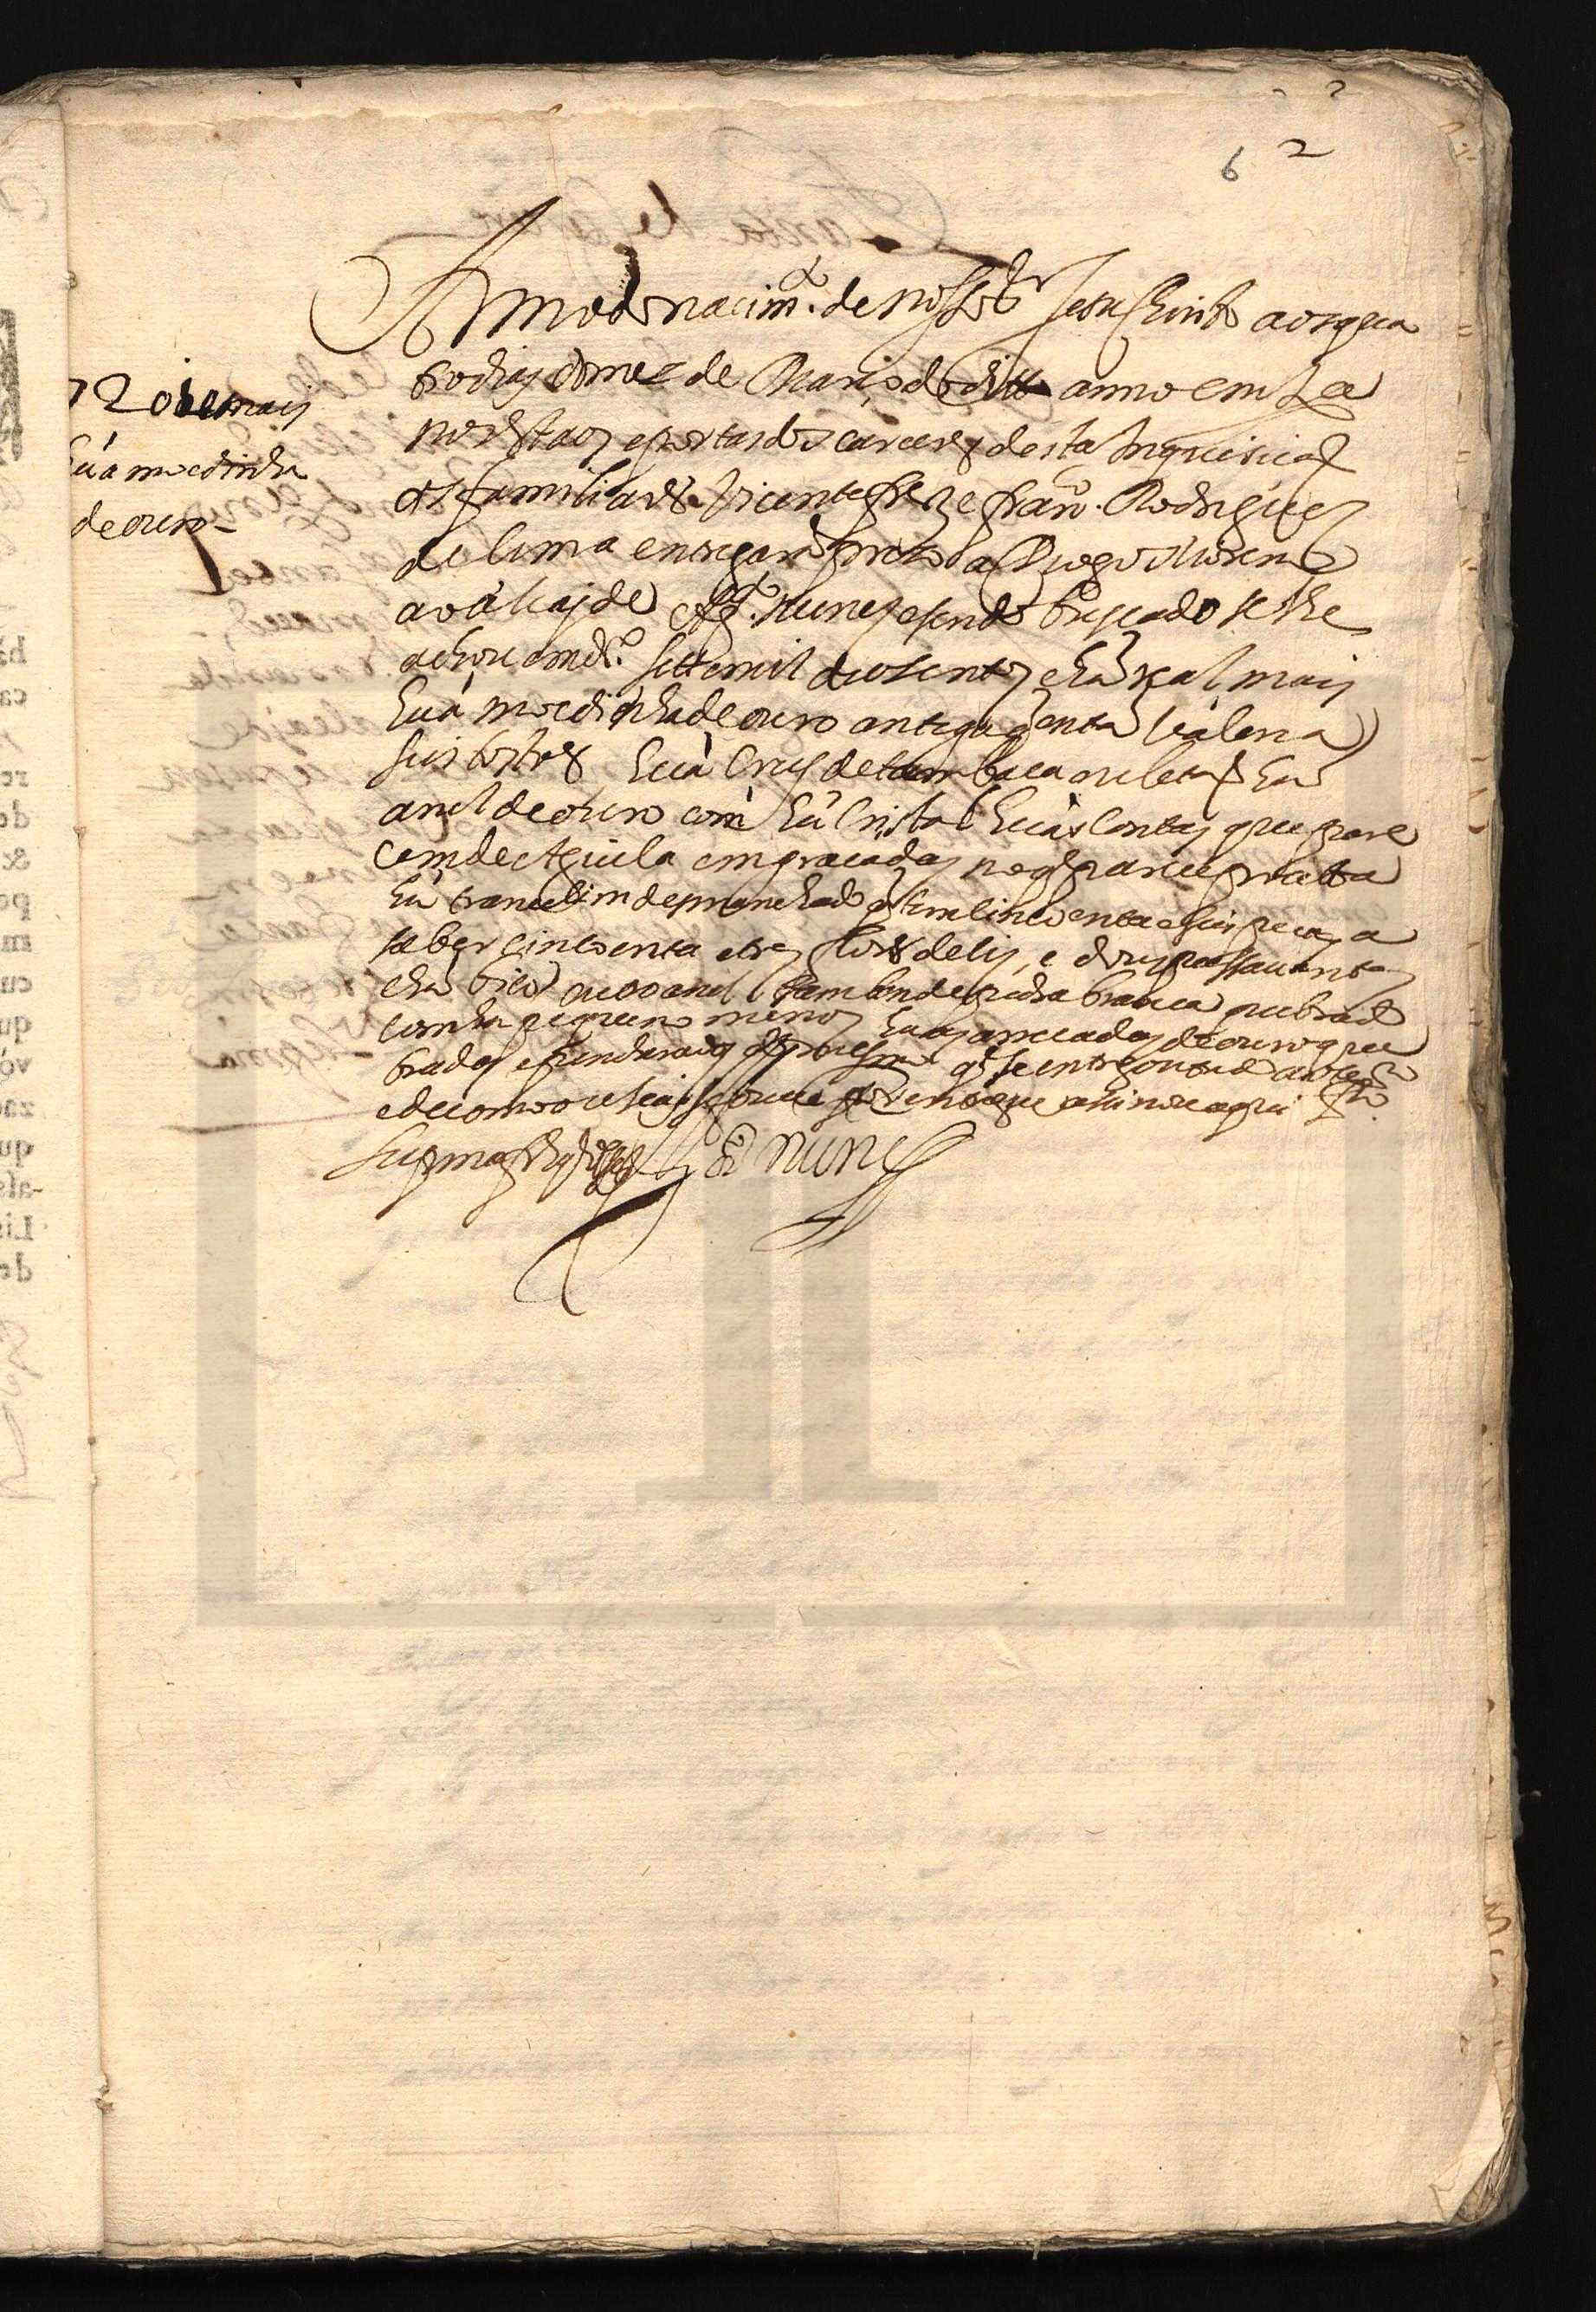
7201 e mais
hūa moedinha
de ouro
Anno do nacim.to de nosso sor Jesu Christo aos qua
tro dias do mez de Março do ditto anno em Lxa
nos estaos e portas dos carceres desta Inquisiçaõ
os familiares Vicente frz e fran.co Rodriguez
de lima entregaraõ prezo a Diogo Moreno
ao alcajde Ag.to Nunes e sendo buscado se lhe
achou em dr.o sette mil duzentos e hū real mais
huā moedinha de ouro antiga q̄ entaõ valeria
seis tostoes huā crus de tambaca ou letaõ hū
anel de ouro com hū cristal huās contas que pare
cem de Aguila emgraçadas no q̄ parece pratta
hū trancelim desmanchado q̄ tem cincoenta e seis peças a
saber cincoenta e tres flores de liz, e dous passauantes
e hū bico outro anel tambem de pedra branca quebrado
com ho pequeno menos huas arrecadas de ouro que
brados e pendurados do mesmo q̄ se entregou tudo ao tezro
e de como o alcaj se ouue por entregue assinou aqui P.ro
Lupina fre q̄ o escj
Agosto Nunes
